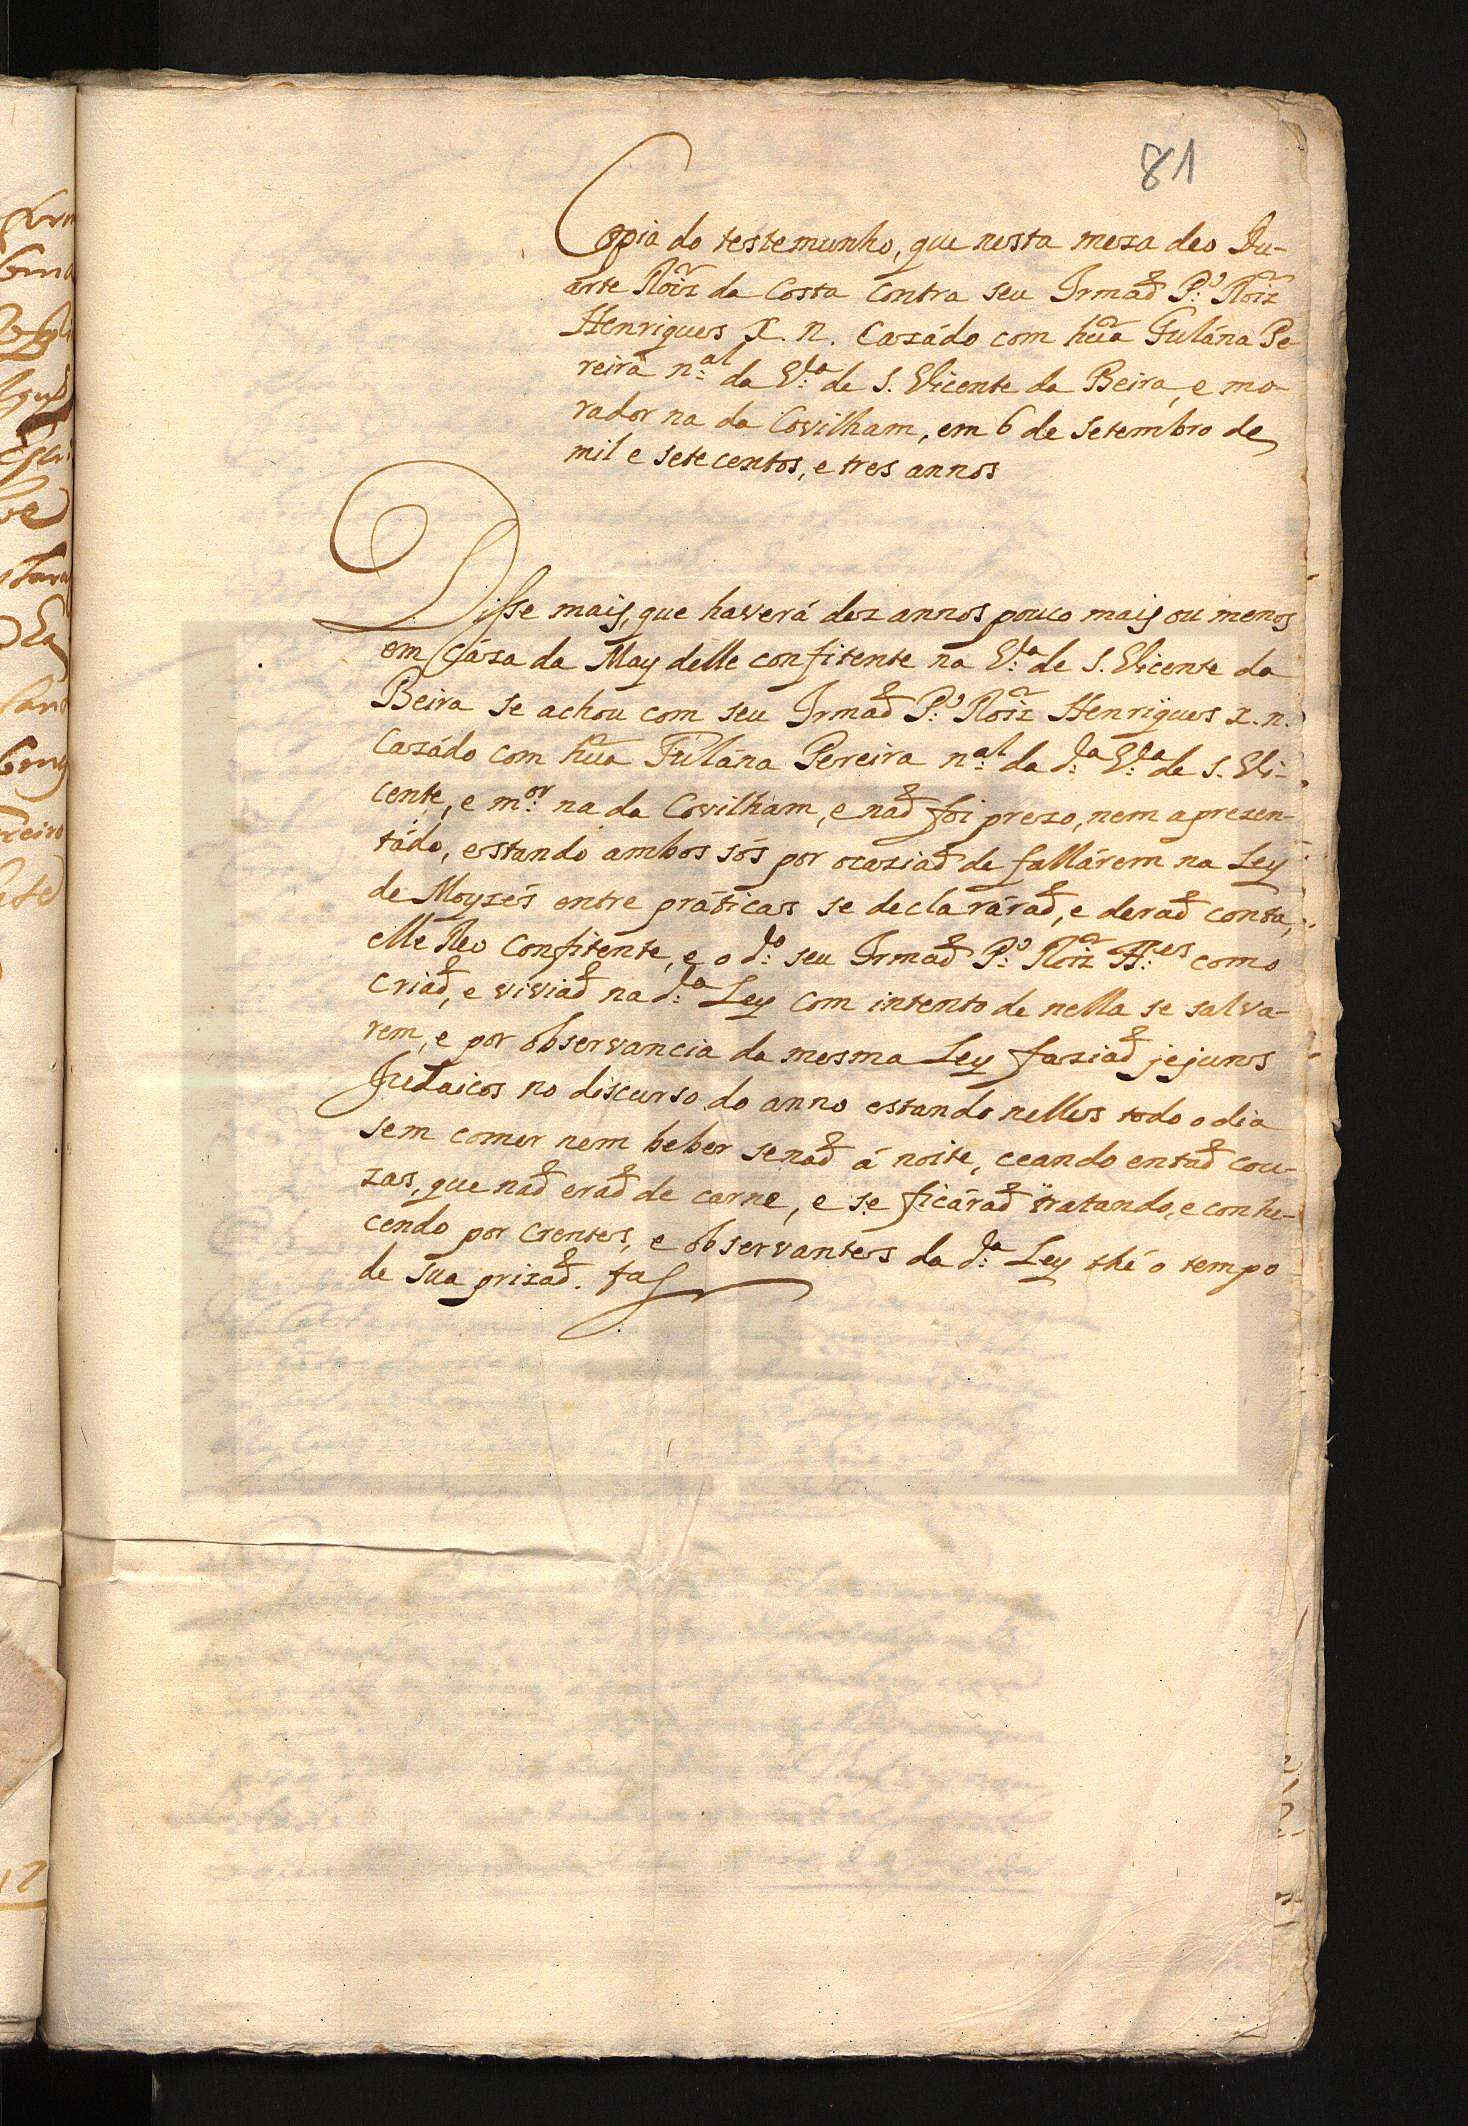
Copia do testemunho, que nesta meza deo Du
arte Roīz da Costa contra seu Irmaõ P:o Roīz
Henriques x. n. cazádo com hūa Fulána Pe
reira n:al da V:a de S. Vicente da Beira, e mo
rador na da Covilham, em 6 de setembro de
mil e setecentos, e tres annos
Disse mais, que haverá dez annos pouco mais ou menos
em cáza da May delle confitente na V.a de S. Vicente da
Beira se achou com seu Irmaõ P:o Roīz Henriques x. n.
Cazádo com hūa Fulána Pereira n:al da d.a V:a de S. Vi
cente, e m:or na da Covilham, e naõ foi prezo, nem aprezen
tádo, estando ambos sós por ocaziaõ de fallárem na Ley
de Moyzés entre práticas se declaráraõ, e deraõ conta,
elle Reo Confitente, e o d:o seu Irmaõ P:o Roīz H:es como
criaõ, e viviaõ na d:a Ley com intento de nella se salva
rem, e por observancia da mesma Ley faziaõ jejuns
Judaicos no discurso do anno estando nelles todo o dia
sem comer nem beber senaõ á noite, ceando entaõ cou
zas, que naõ eraõ de carne, e se ficáraõ tratando, e conhe
cendo por crentes, e observantes da d:a Ley thé o tempo
de sua prizaõ. ta
